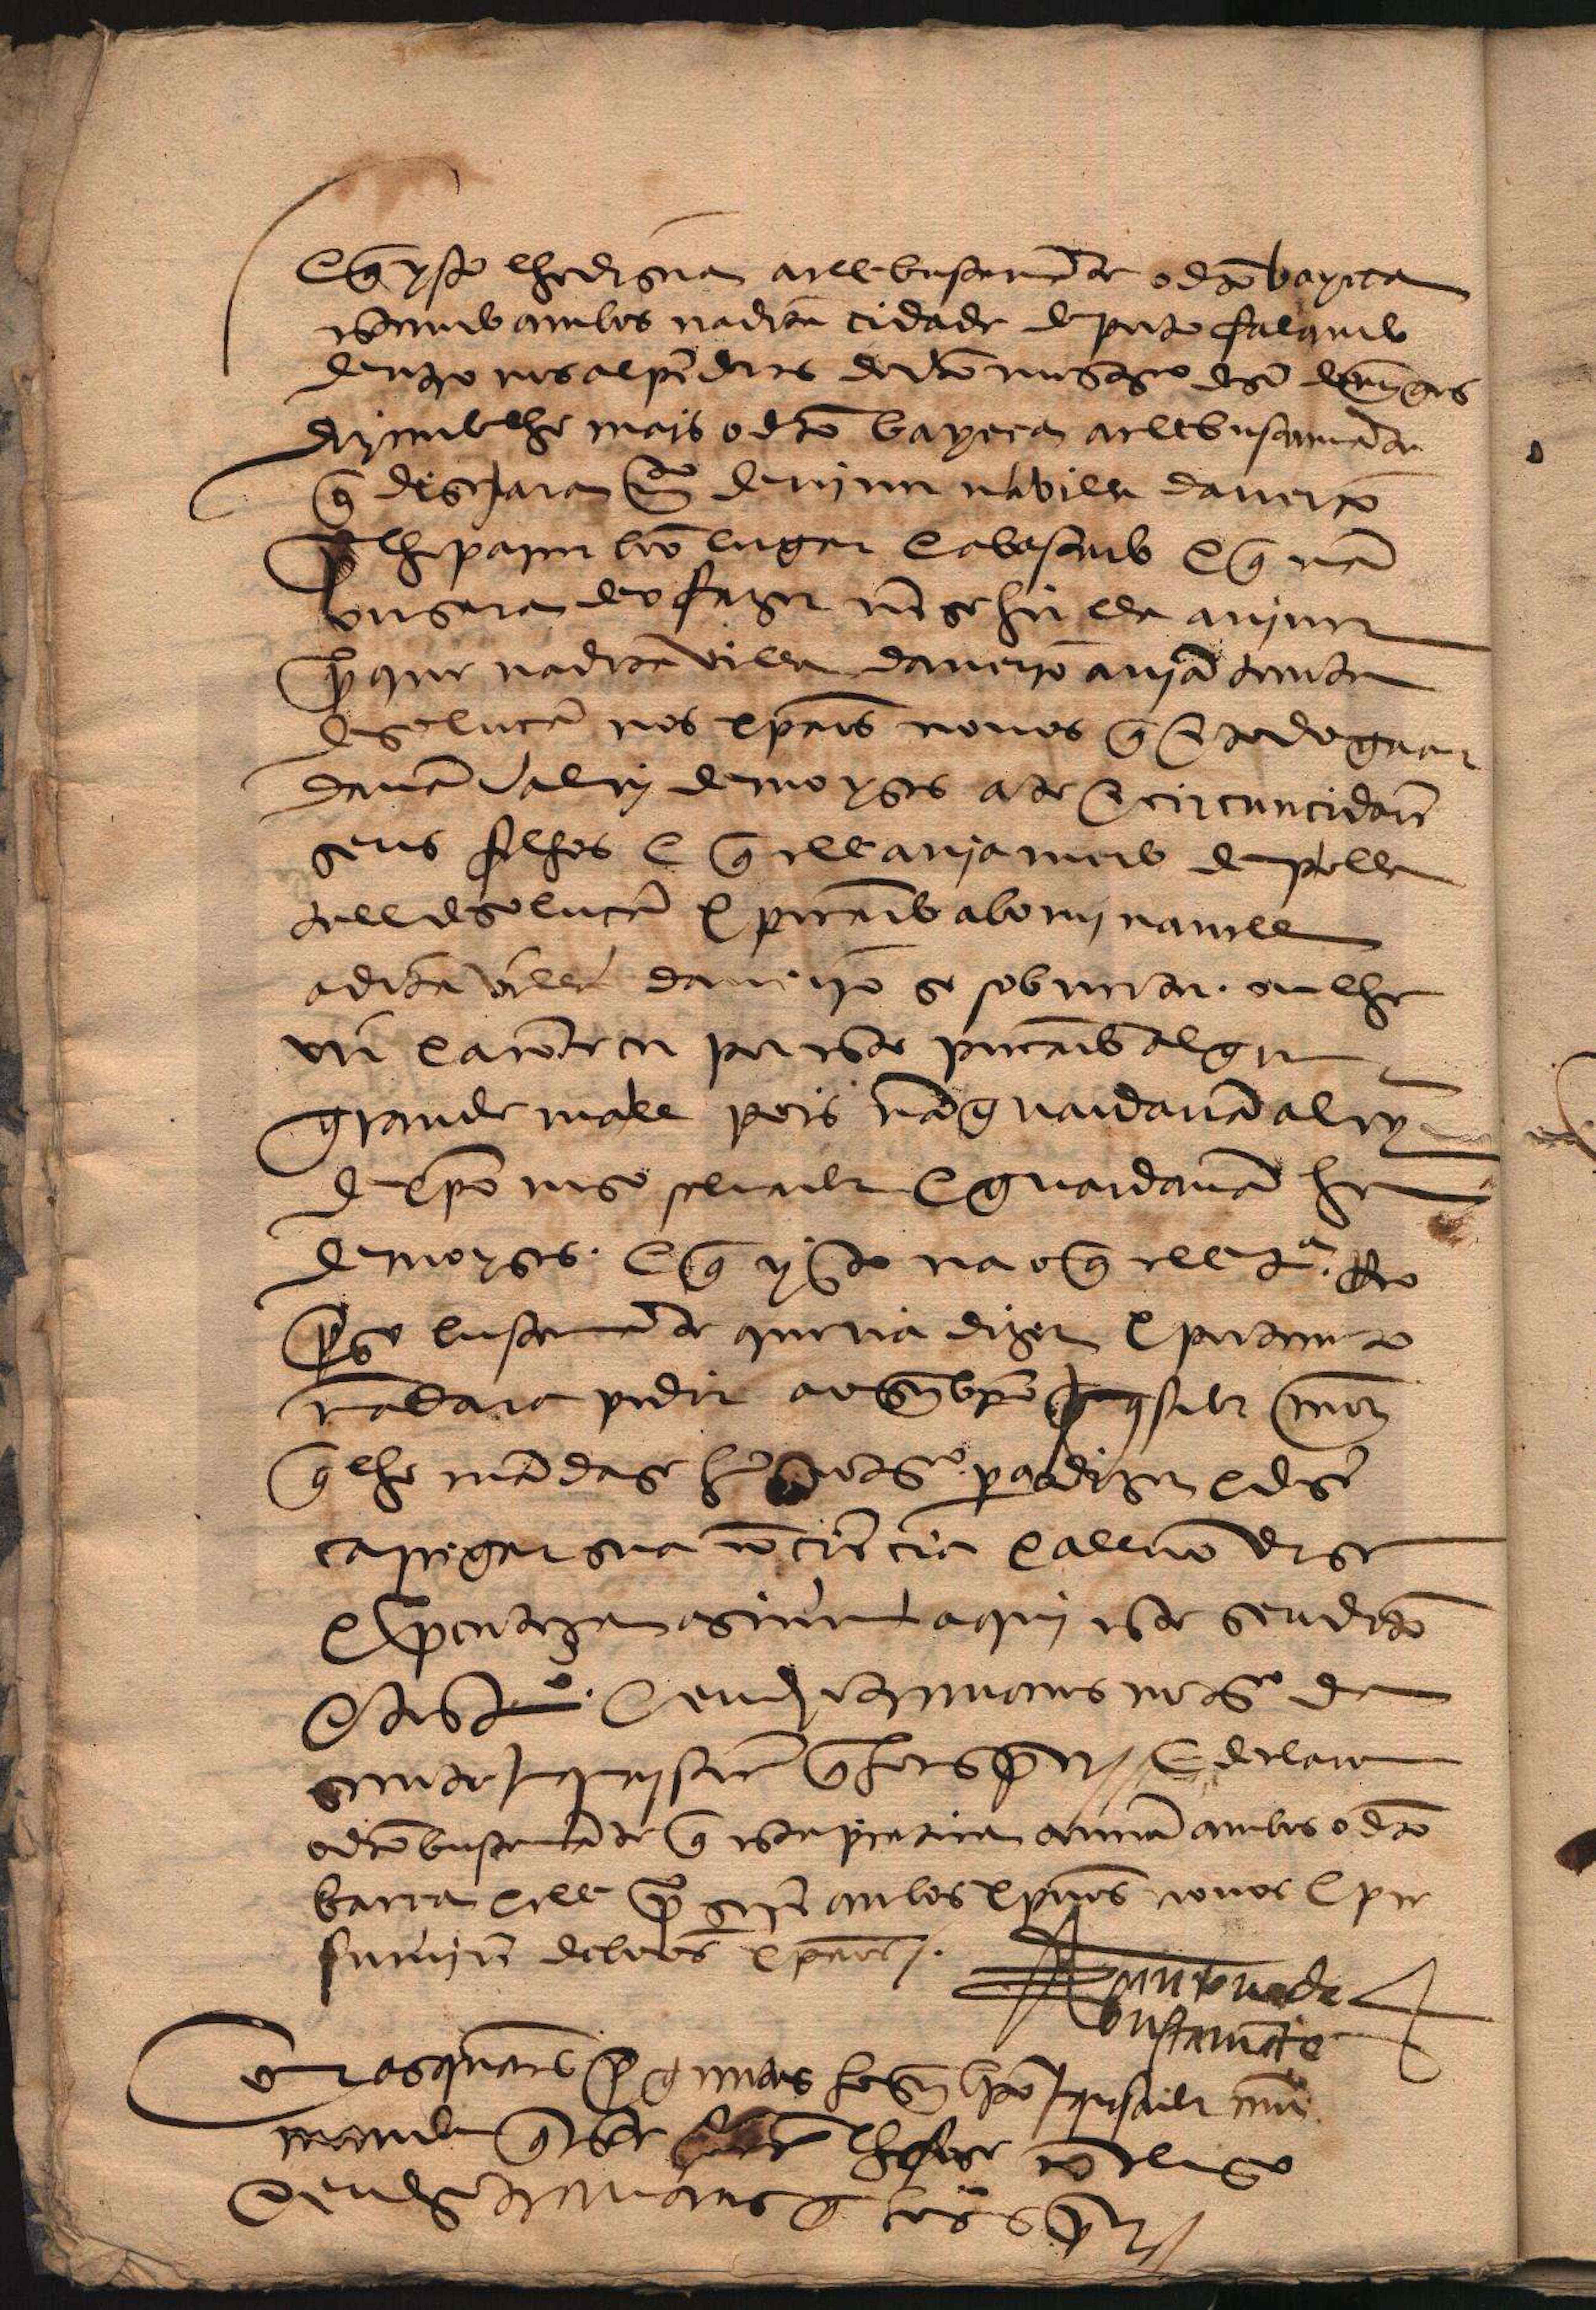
e q̄ ysto lhe disera a elle bustamāte o dt̄o bayeca
estando ambos na dita cidade do porto falando
dentro nos alpēderes do dō mostro de sā dom̄jgos
dizendolhe mais o dt̄o bayeça a elle bustamāte
q̄ deseJara mto de ujuer na villa daueiro
p̄o lhe parcer boō lugar e abastado e q̄ nā
ousara de o fazer nē se hir lla a ujuer
p̄oque na dita villa daueiro aujā tanta
desoluçā nos xpãos nouos q̄ ē todo guar
dauā a ley de moyses ate ē circunçidarē
seus filhos e q̄ elle auja medo de polla
tall desoluçā e pcc̄ado abomjnauell
a dita villa daueiro se sobmeter. ou lhe
vir e acōteçer por este peccado algum
grande mall pois nā guardauā a ley
de xp̄o noso saluador e guardauā ha
de moyses. e q̄ ysto era o q̄ elle ta. Reo
p̄so bustamāte queria dizer e portanto
m̄adara pedir ao s̄r bpō Jnq̄sidor m̄or
q̄ lhe mādase hū notro. ꝑa o dizer e desē
carregar sua c̄oçiēçia e all nō dise
e p̄ certeza asinou aquj este seu dito
e testo. e eu djo trauacos notro da
santa Jnqujsicā q̄ ho esp̄vj // E declarou
o dt̄o bustamāte q̄ esta pratica ouuerā ambos o dt̄o
baeça e elle p̄o serē anbos xpãos nouos e pre
sumjrē de boos̄ xpaõs /.
Com as qūaes p̄guntas ho s̄or bpō Jnquisidor m̄or
mandou q̄ este __tō lhe fose c̄ocluso
e eu djo trauacos q̄ ho esp̄vj //
